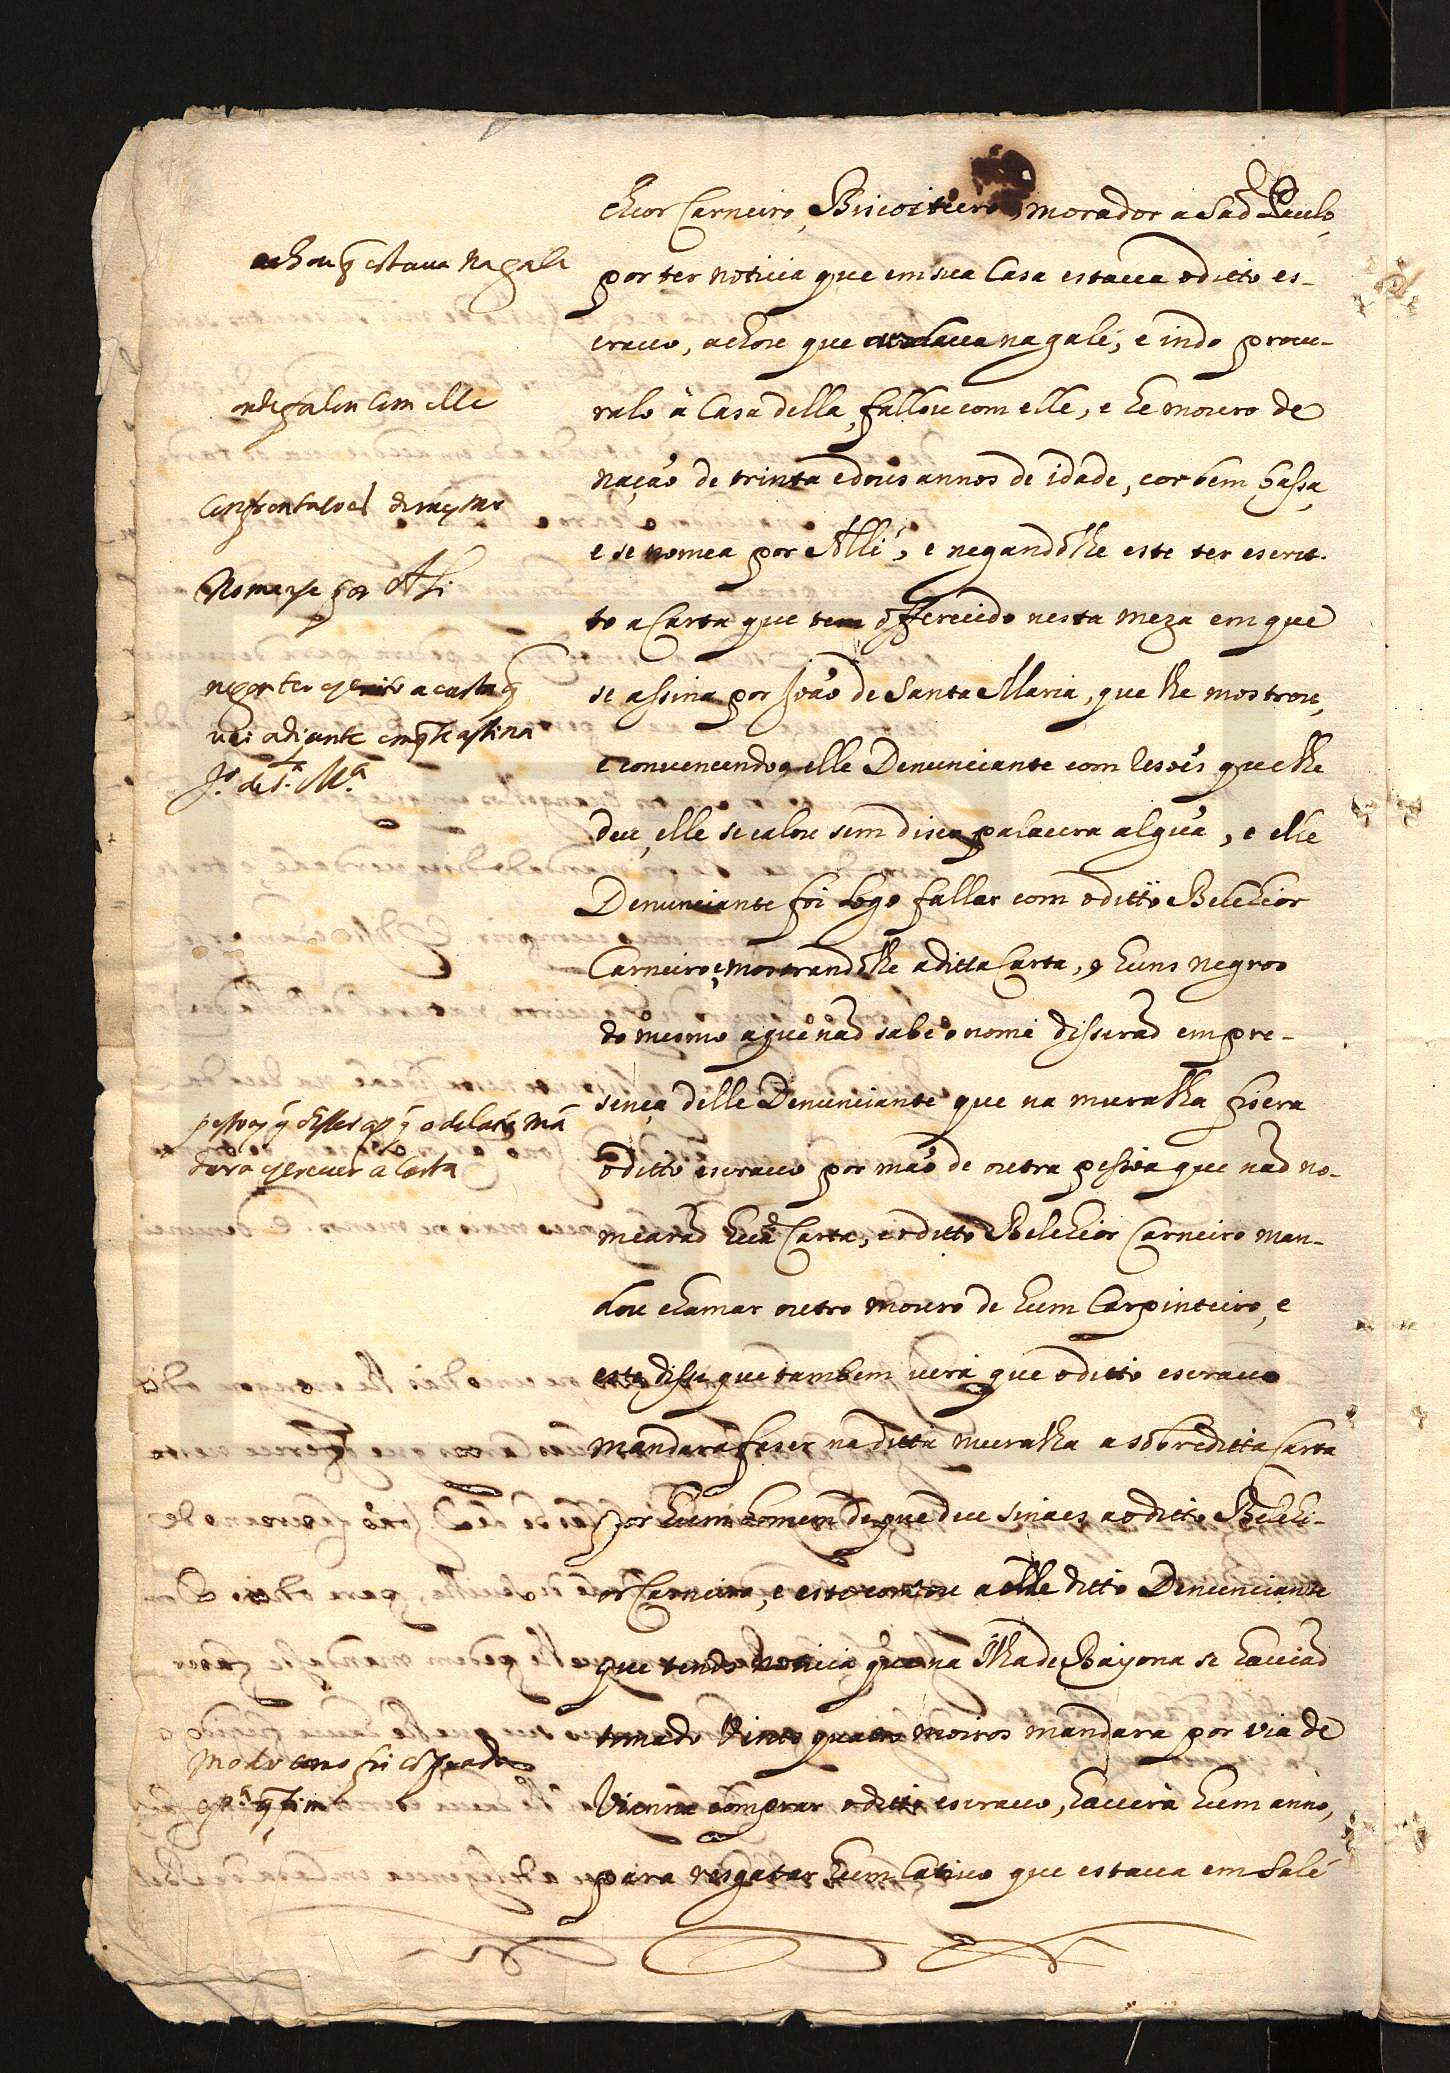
chior Carneiro, Biscoiteiro, morador a Saõ Paulo,
por ter noticia que em sua Casa estaua o ditto es
crauo, achou que a_daua na galé, e indo procu
ralo à Casa della, fallou com elle, e he mouro de
naçaõ de trinta e dous annos de idade, cor bem bassa,
e se nomea por Alli, e negandolhe este ter escrit
to a Carta que tem offerecido nesta meza em que
se assina por Joaõ de Santa Maria, que lhe mostrou,
e conuencendoo elle Denunciante com Resoẽs que lhe
deu, elle se calou sem diser palaura alguā, e elle
Denunciante foi Logo fallar com o ditto Belchior
Carneiro, e mostrandolhe a ditta Carta, e huns negros
do mesmo a que naõ sabe o nome disseraõ em pre
sença delle Denunciante que na muralha fisera
o ditto escrauo por maõ de outra pessoa que naõ no
mearaõ huā Carta, e o ditto Belchior Carneiro man
dou chamar outro mouro de hum Carpinteiro, e
este disse que tambem uira que o ditto escrauo
mandara faser na ditta muralha a sobreditta Carta
_or hum homem de que deu sinaes ao ditto Belchi
or Carneiro, e este con_ou a elle ditto Denunciante
que tendo noticia que na Ilha de Bayona se hauiaõ
tomado Vinte quatro moiros mandara por via de
Vianna comprar o ditto escrauo, hauerà hum anno,
para resgatar hum Catiuo que estaua em Sale
